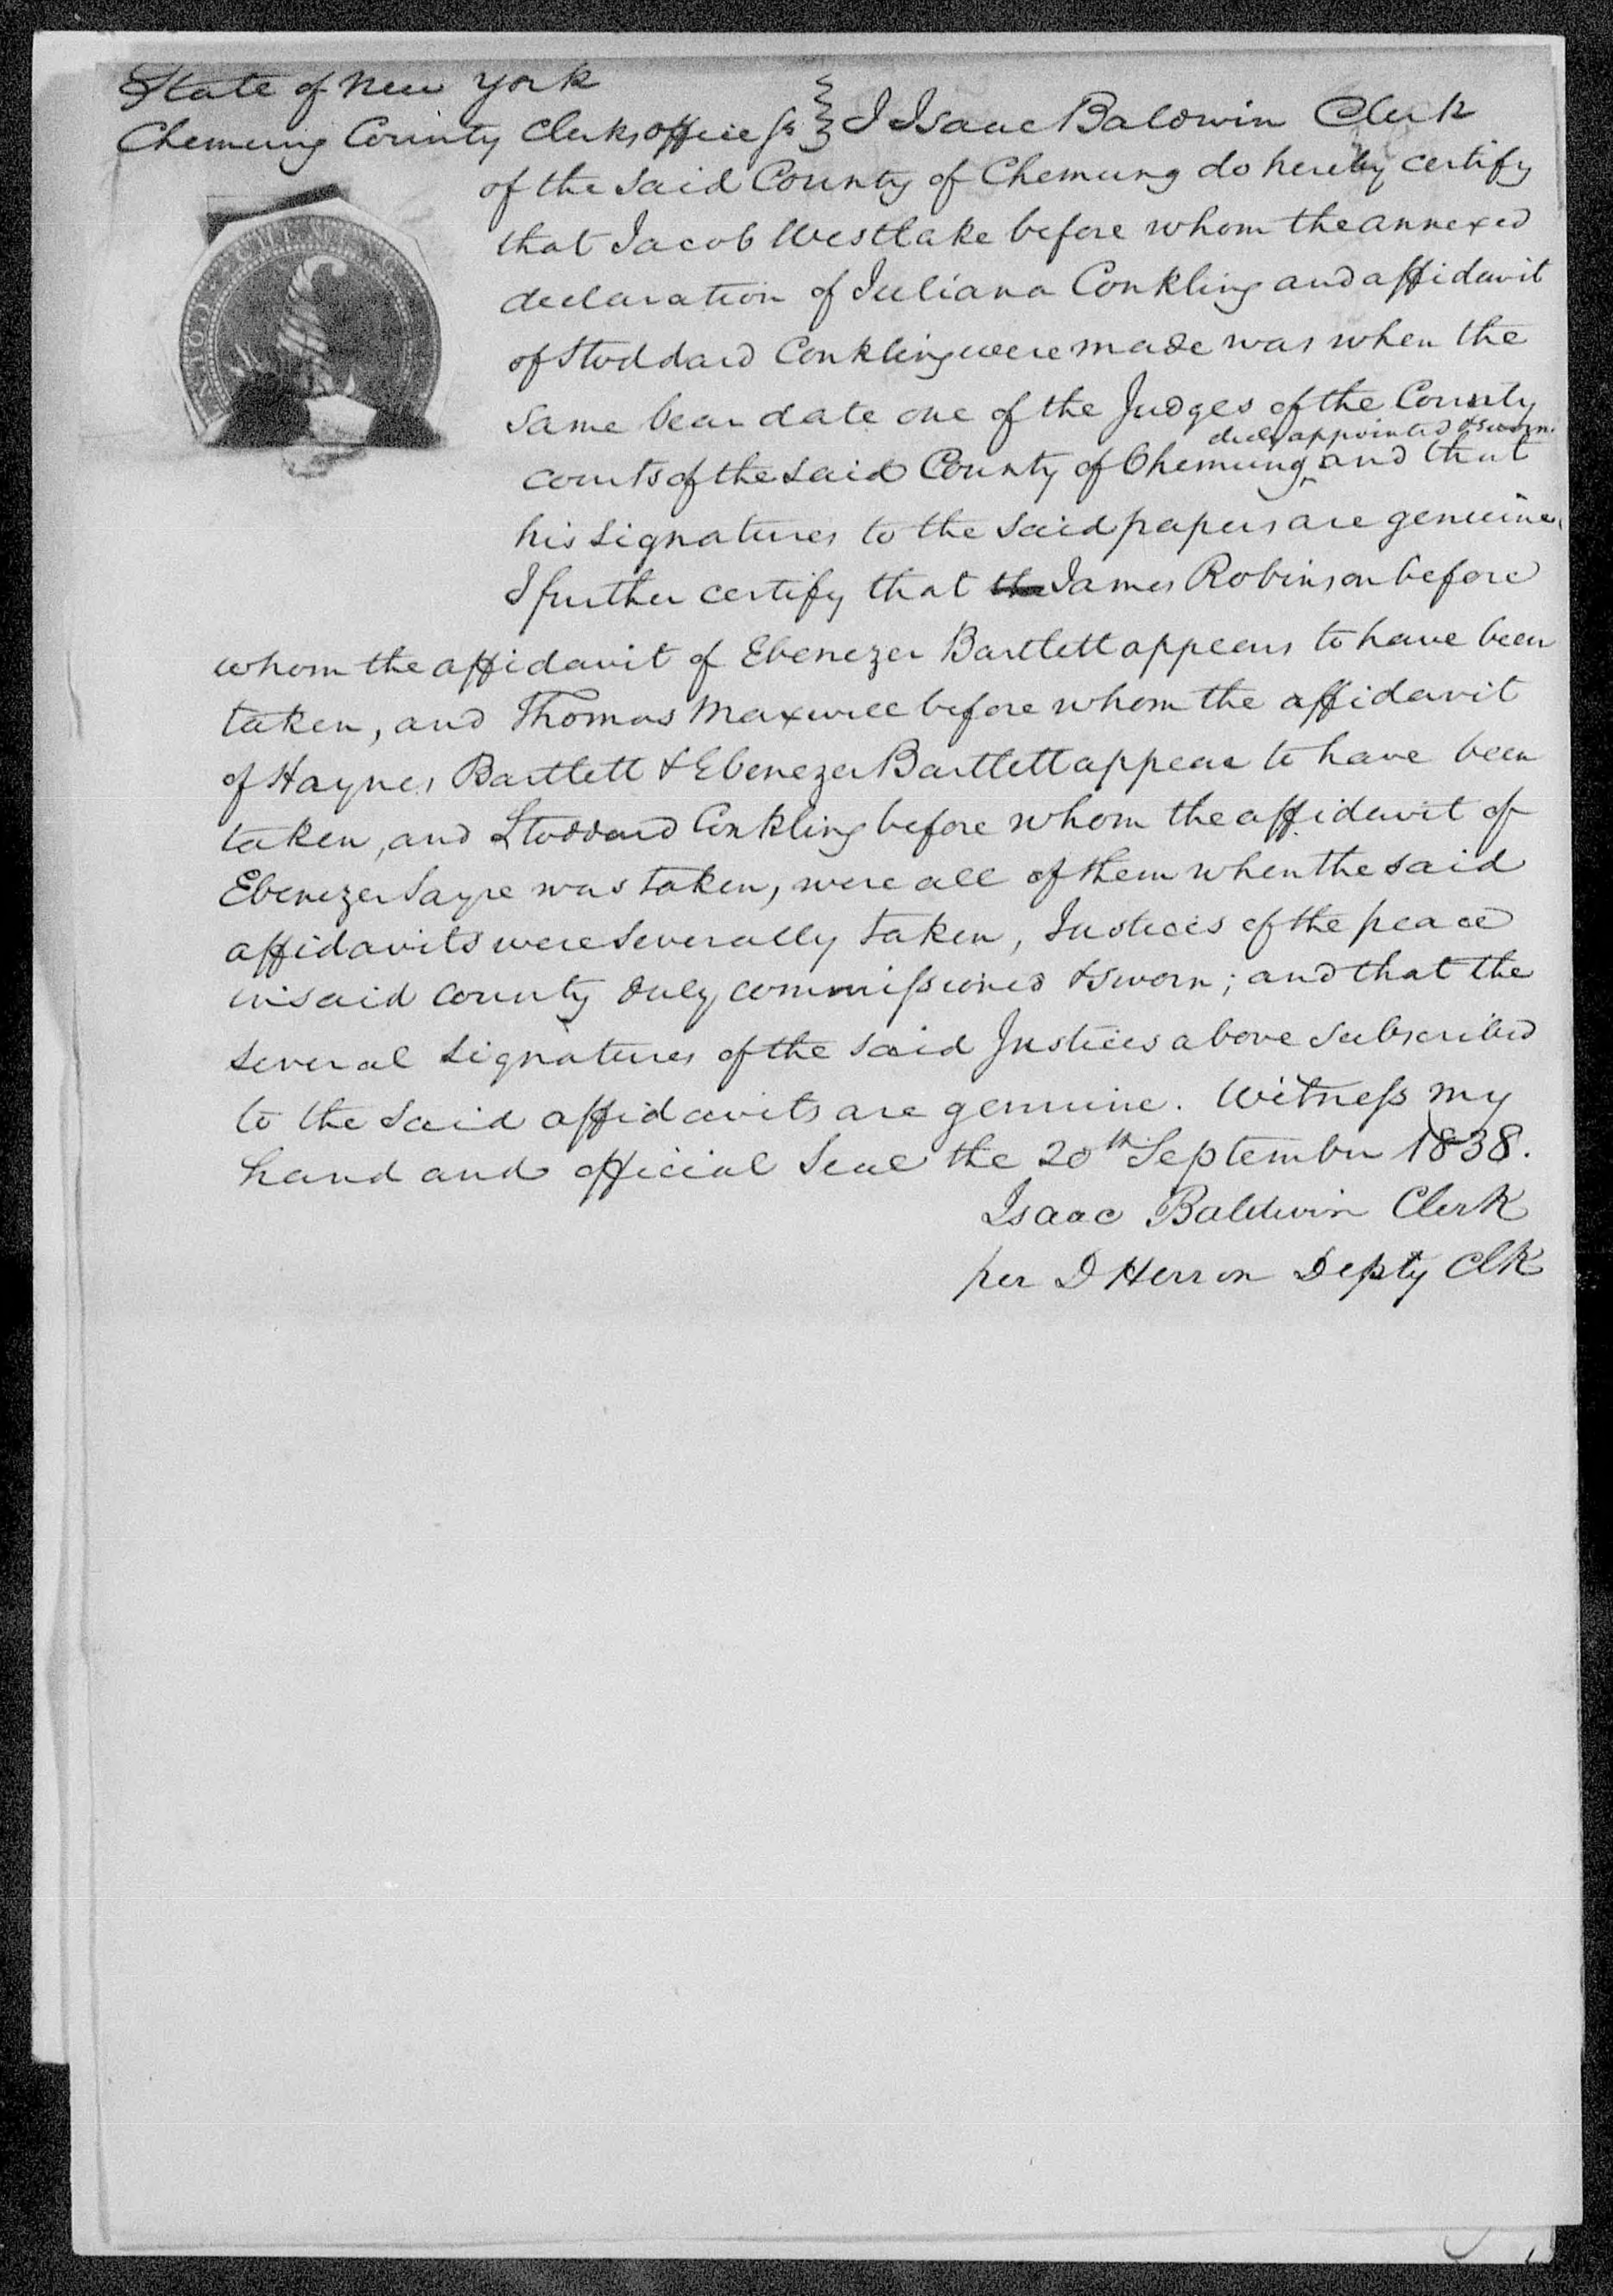State of New York Chemung County clerks office ss} I Isaac Baldwin clerk of the said county of Chemung do hereby certify that Jacob Westlake before whom the annexed declaration of Juliana Conkling and affidavit of Stoddard Conkling were made was when the  same bear date one of the Judges of the County courts of the said county of Chemung duly appointed + sworn and that his signatures to the said papers are genuine I further certify that James Robinson before whom the affidavit of Ebenezer Bartlett appears to have been taken, and Thomas Maxwell before whom the affidavit of Haynes Bartlett + Ebenezer Bartlett appear to have been taken, and Stoddard Conkling before whom the affidavit of Ebenezer Sayre was taken, were all of them when the said affidavits were severally taken, Justice of the peace in said county duly commissioned + sworn; and that the several signatures of the said Justices above subscribed to the said affidavits are genuine. Witness my hand and official seal the 20th September 1838.
Isaac Baldwin clerk per D Herron Depty clk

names: Isaac Baldwin, Ebenezer Bartlett, Jacob Westlake, Ebenezer Sayre, Thomas Maxwell, Stoddard Conkling, Isaac Baldwin, Haynes Bartlett, Ebenezer Bartlett, Juliana Conkling, James Robinson, Stoddard Conkling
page: 12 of 18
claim: widow's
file: W. 18,939, Jonathan S Conkling, New York